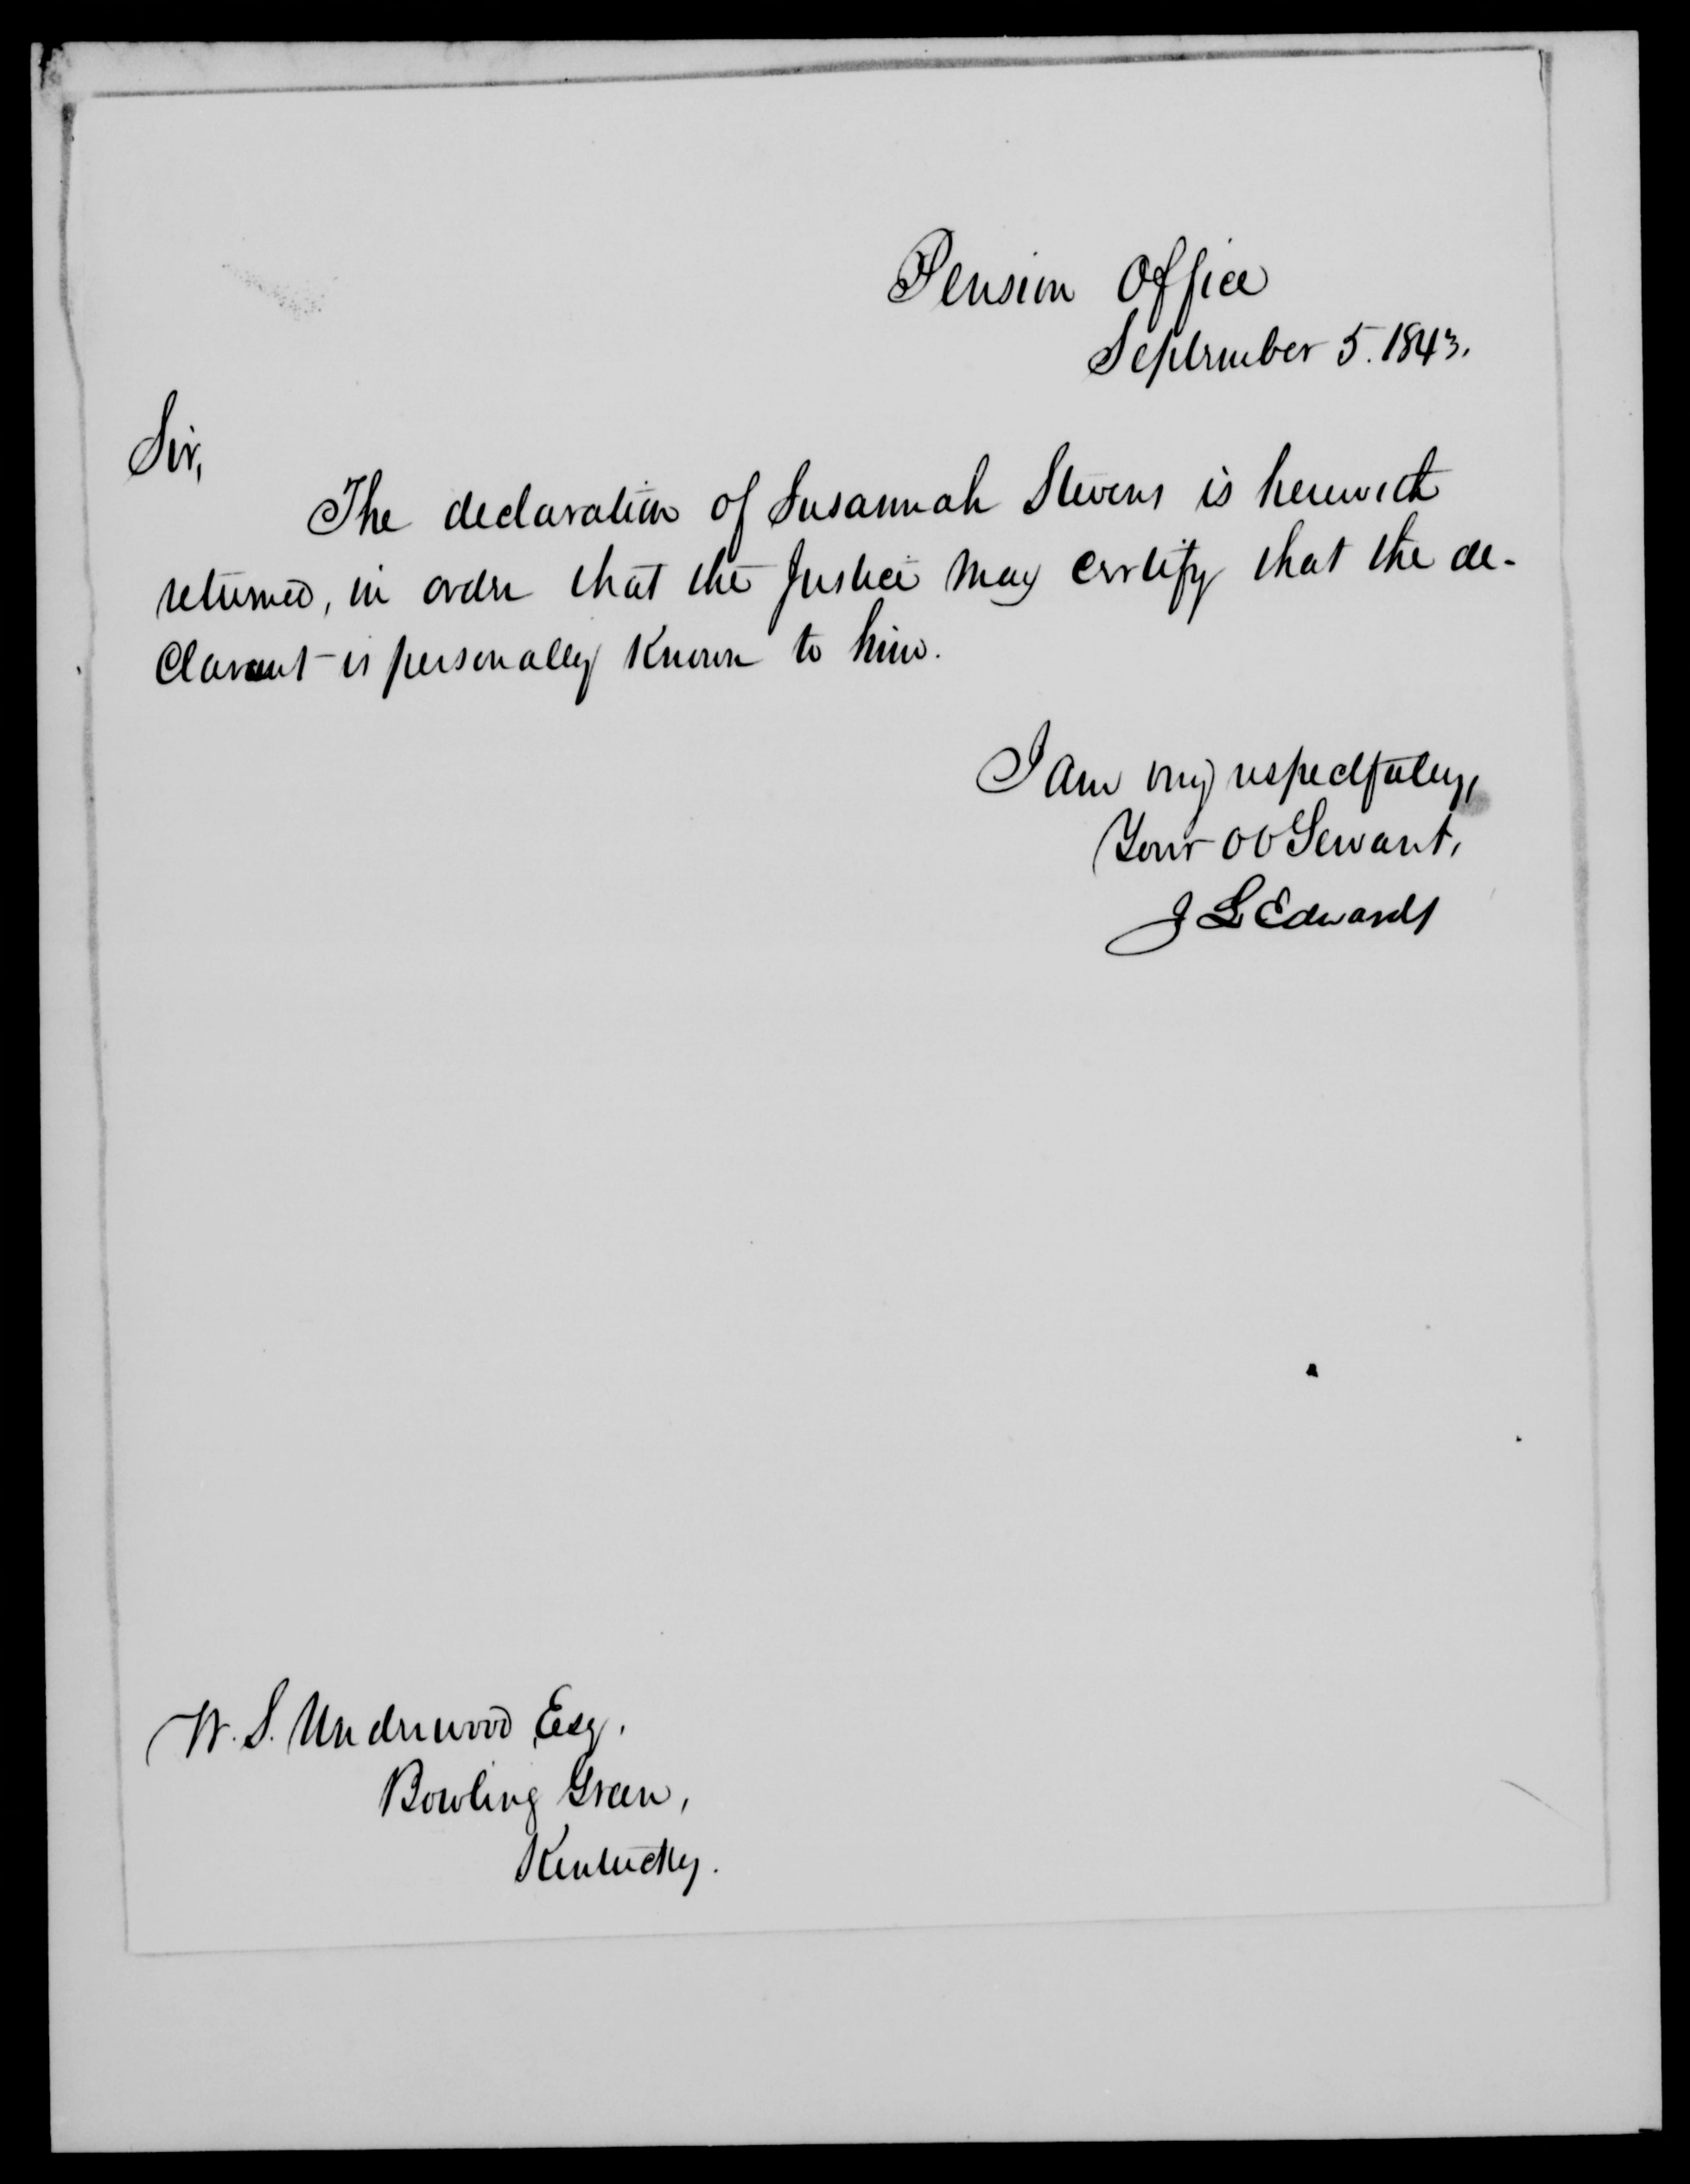Pension Office
September 5. 1843

Sir,
The declaration of Susannah Stevens is herewith
returned, in order that the Justice may certify that the declarant is personally known to him.
W.S. Underwood Esq.

I am very respectfully
Your Ob Servant,
J L Edwards

W.S. Underwood Esq.
Bowling Green,
Kentucky.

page: 70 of 99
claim: widow's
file: W 8766, for James Stevens, Virginia